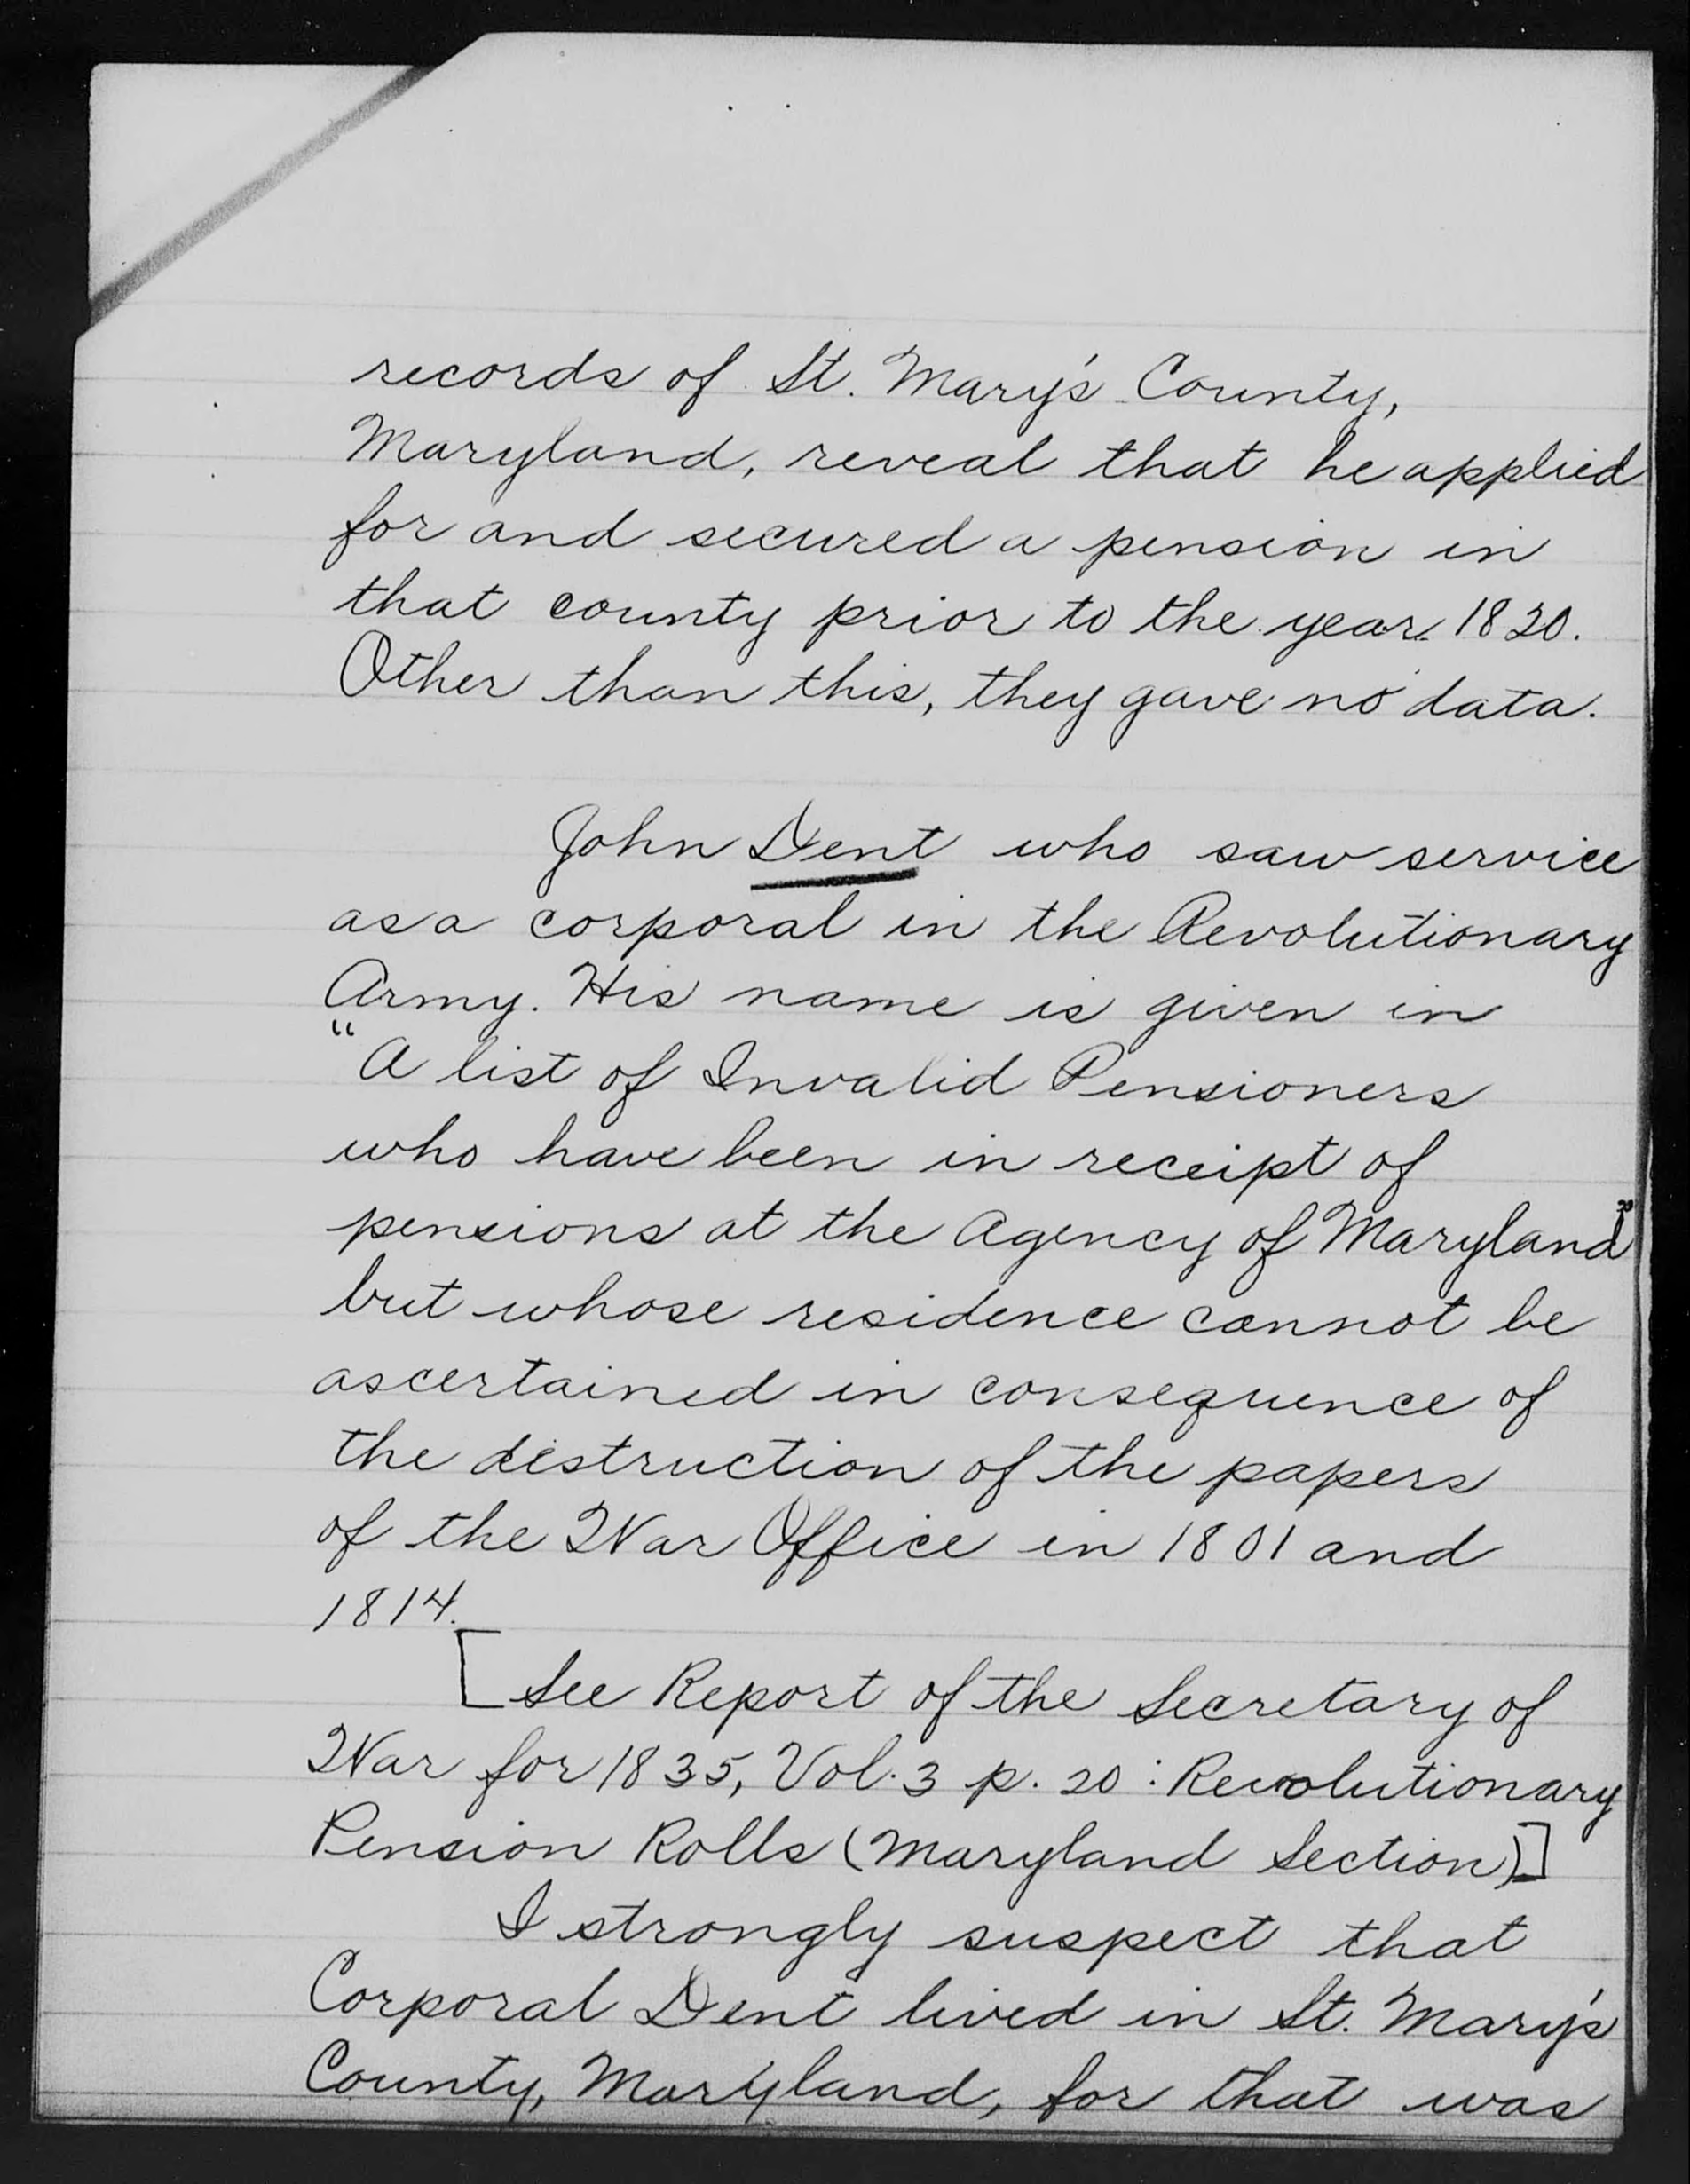records of St. Mary's County, Maryland, reveal that he applied for and secured a pension in that county prior to the year 1820. Other than this, they gave no data.

John Dent who saw service as a corporal in the Revolutionary Army. His name is given in "A list of Invalid Pensioners who have been in receipt of pensions at the Agency of Maryland" but whose residence cannot be ascertained in consequence of the destruction of the papers of the War Office in 1801 and 1814.
[See Report of the Secretary of War for 1835, Vol 3 p. 20: Revolutionary Pension Rolls (Maryland Section)]

I strongly suspect that Corporal Dent lived in St. Mary's County, Maryland, for that was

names: John Dent, Dent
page: 28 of 49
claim: survivor's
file: S. 12755, George Dent, Md.